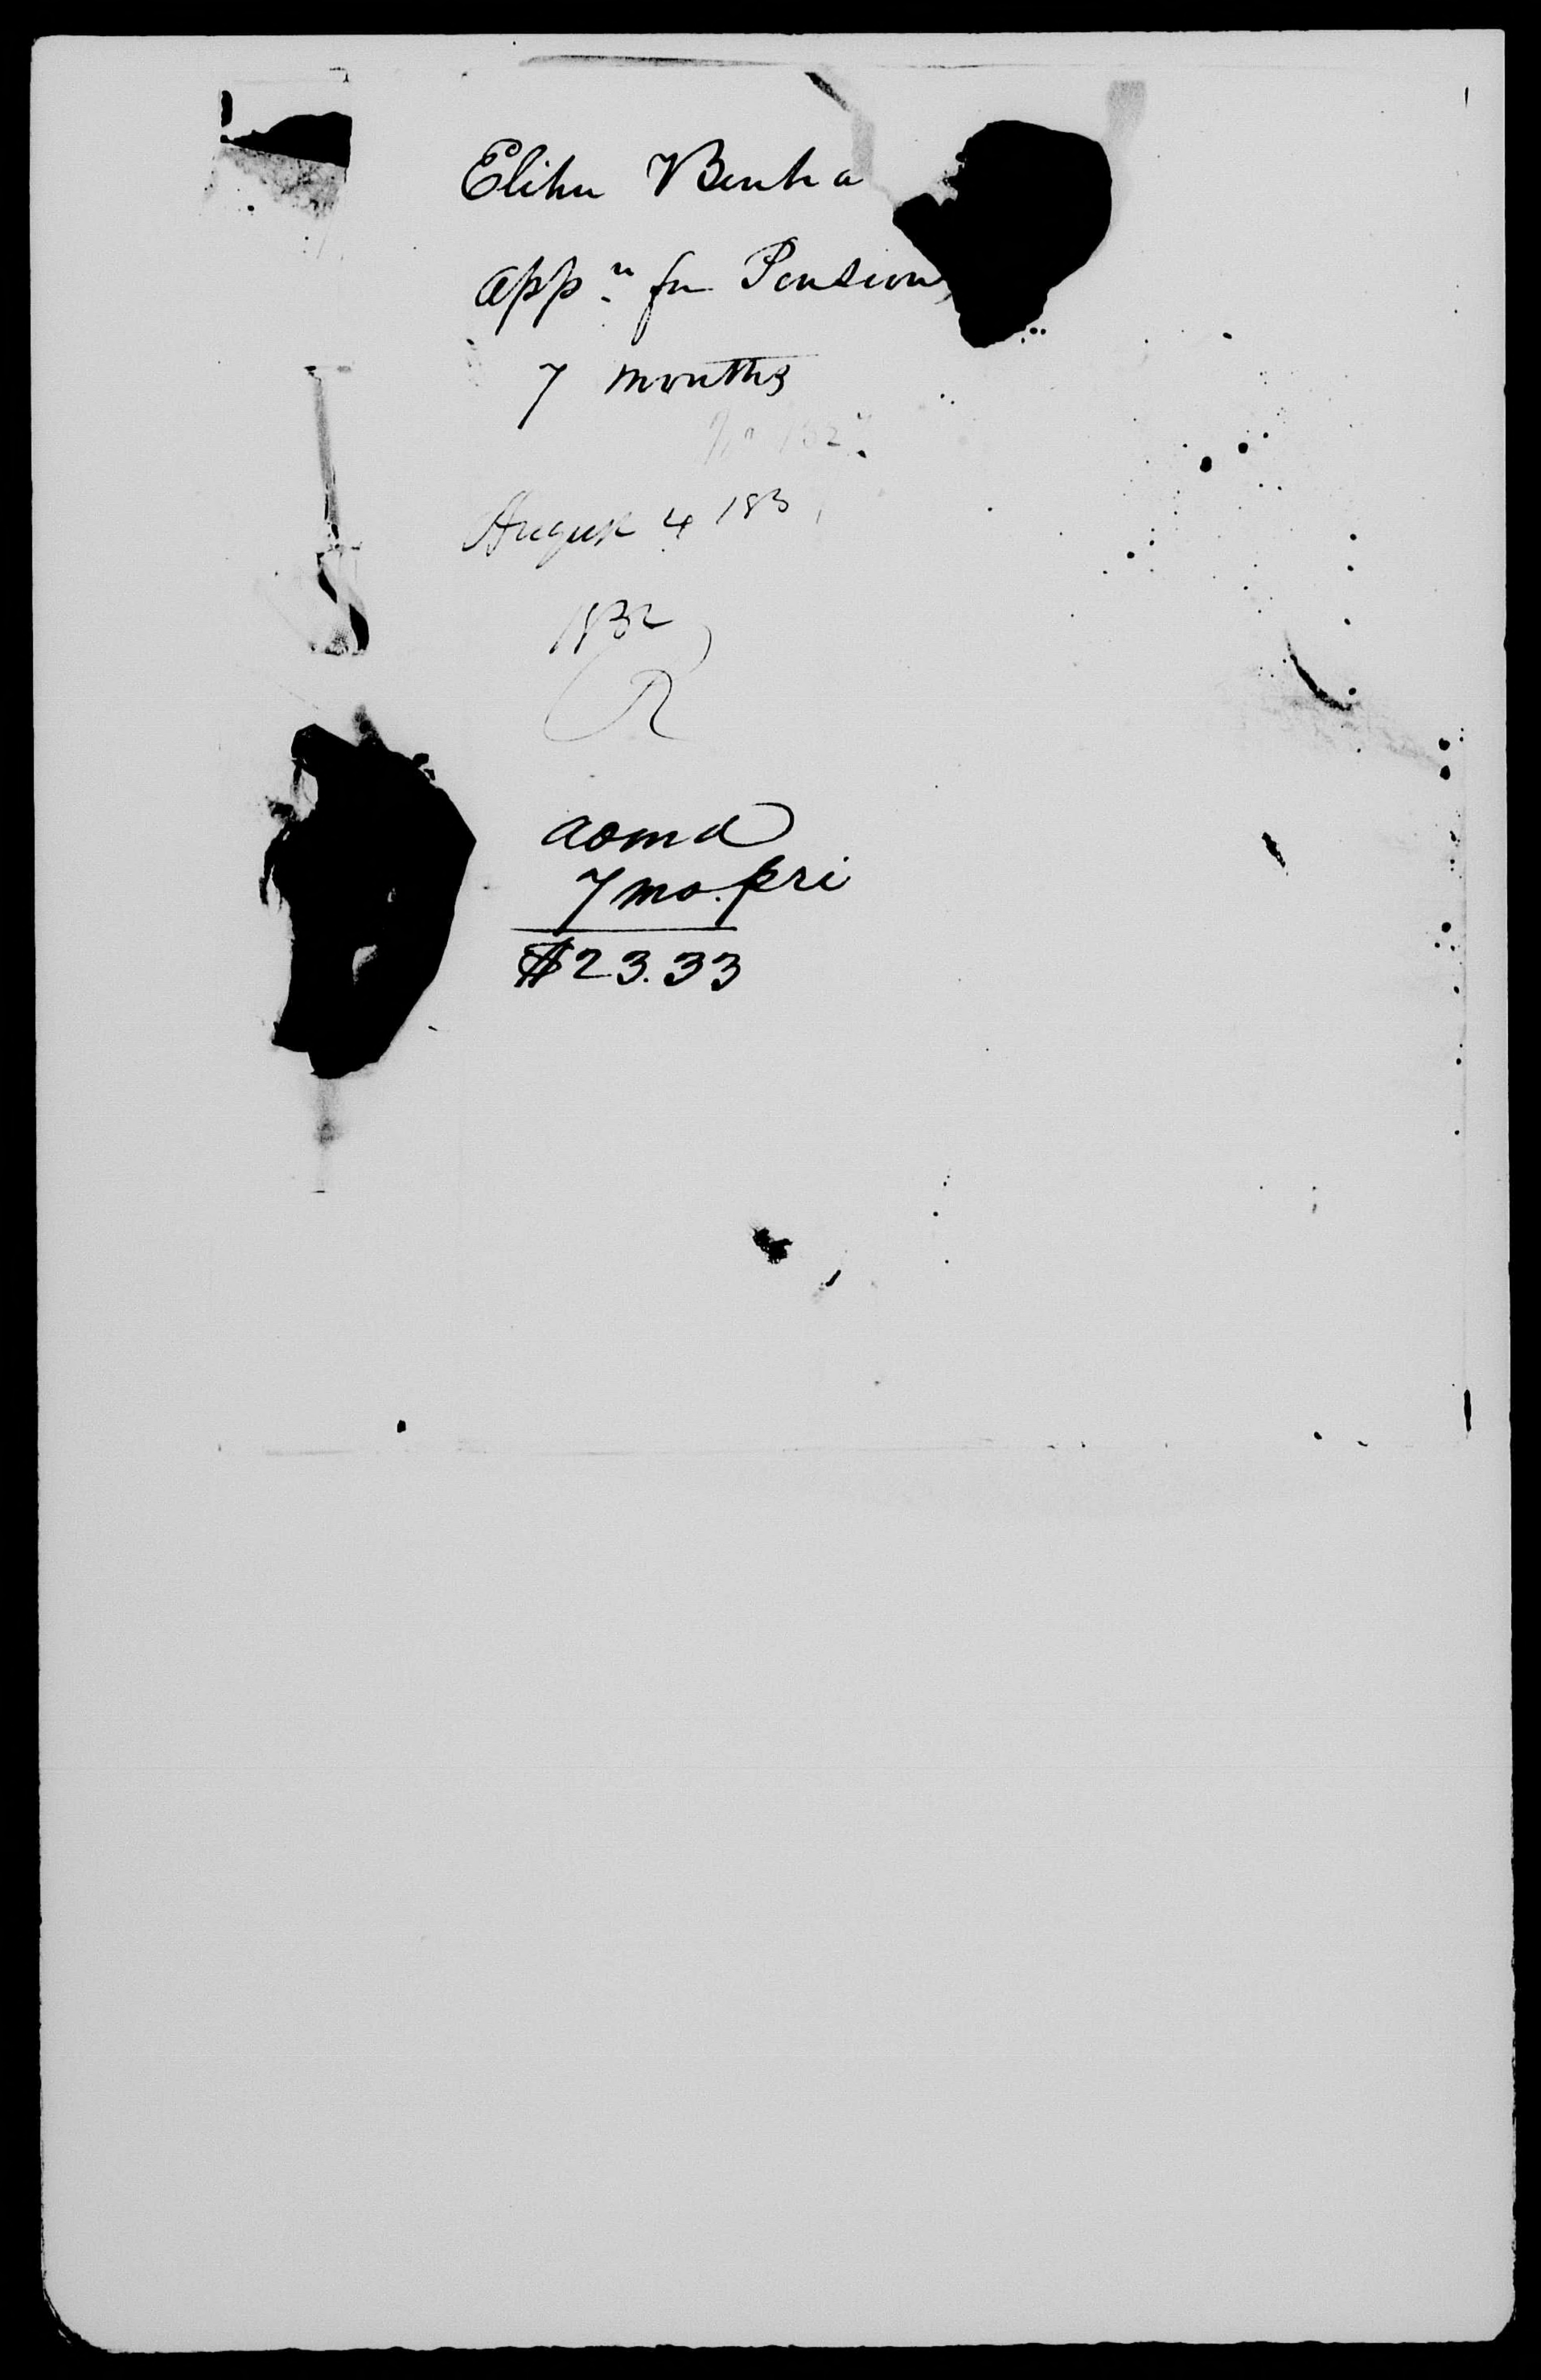Elihu Benham
App for Pension
7 months
August 4, 1832
1832
R
amount
7 mo. pri |
$ 23.33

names: Elihu Benha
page: 3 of 45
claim: survivor's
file: S. 15748, Elihu Benham, Conn.